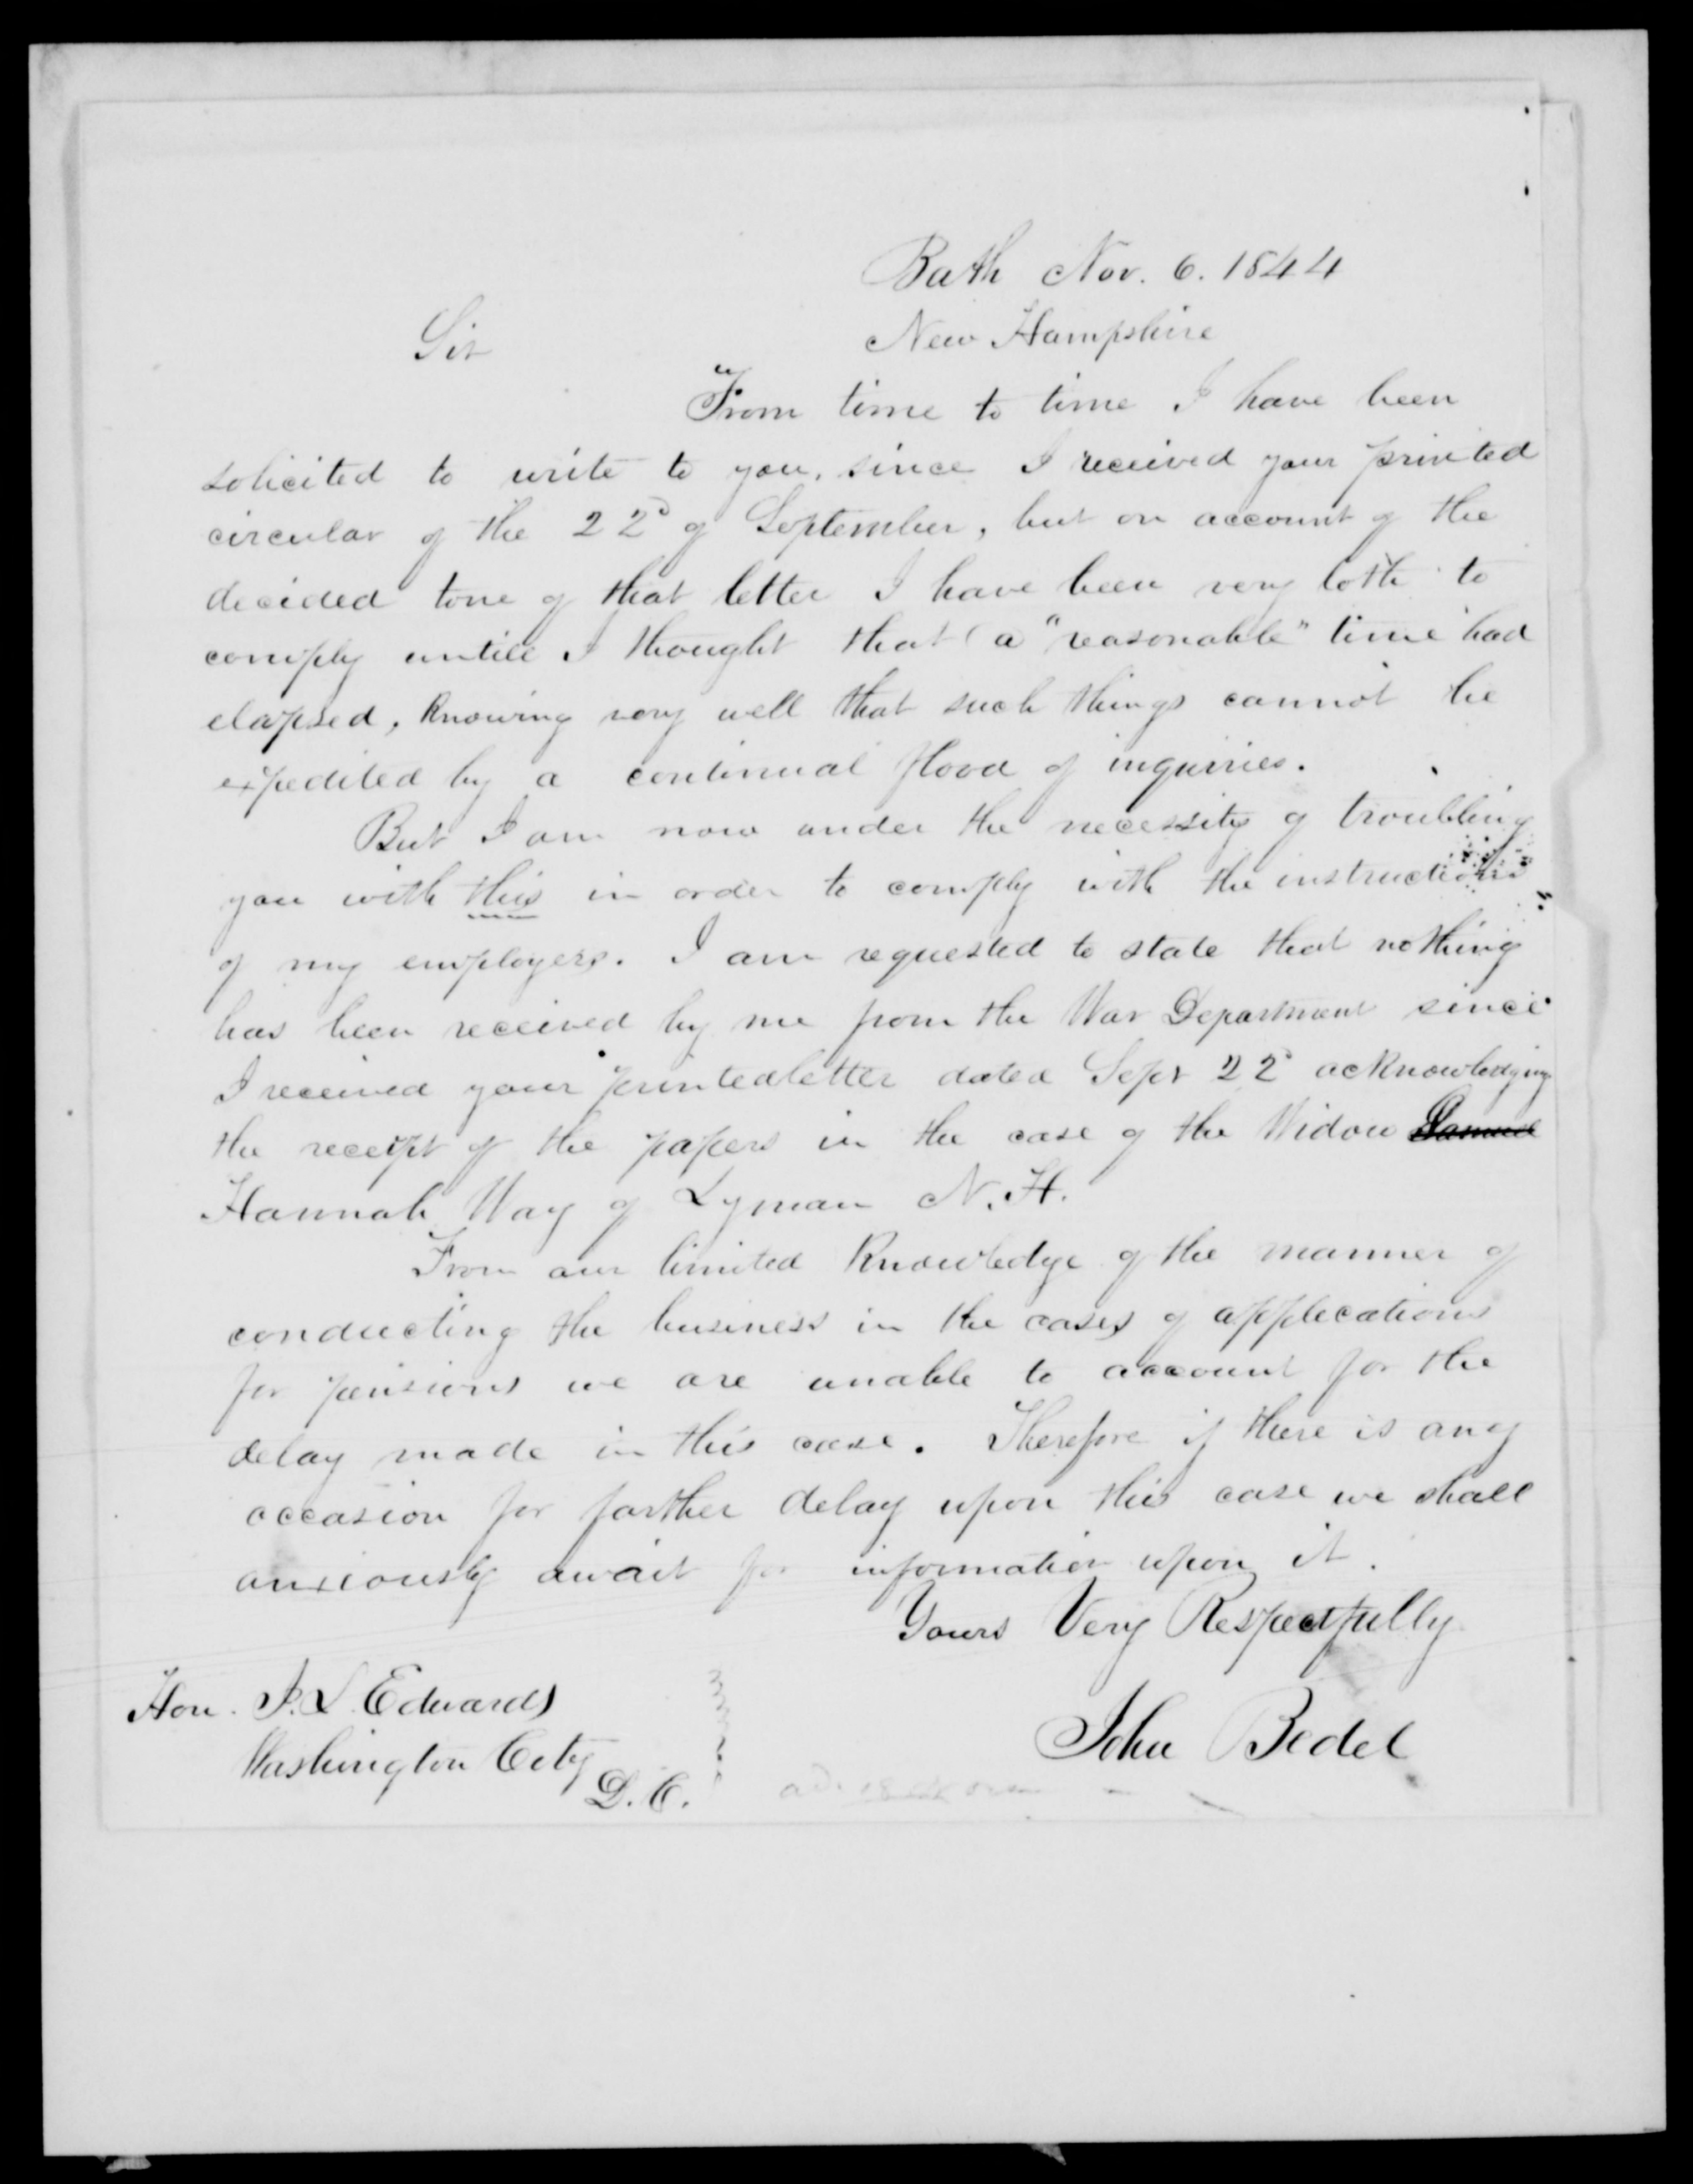Bath Nov. 6. 1844
New Hampshire
Sir
from time to time I have been
solicited to write to you since I received your printed
circular of the 22d of September, but on account of the
decided tone of that letter I have been very loth to
comply untill I thought that a "reasonable" time had
elapsed, knowing very well that such things cannot be
expedited by a continual flood of inquiries.
But I am now under the necessity of troubling
you with this in order to comply with the instructions
of my employers. I am requested to state that nothing
has been received by me from the War Department since
I received your printed letter dated Sept 22 acknowledging
the receipt of the papers in the case of the Widow
Hannah Way of Lyman N.H.
From our limited knowledge of the manner of
conducting the business in the cases of applications
for pensions we are unable to account for the
delay made in this case. Therefore if there is any
occasion for further delay upon this case we shall
anxiously await for information upon it.
Yours Very Respectfully
John Bedel
Hon. J. L. Edwards
Washington City D.C.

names: John Bedel, Hannah Way, J L Edwards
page: 41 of 78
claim: widow's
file: W. 25856, Samuel Way, N.H.